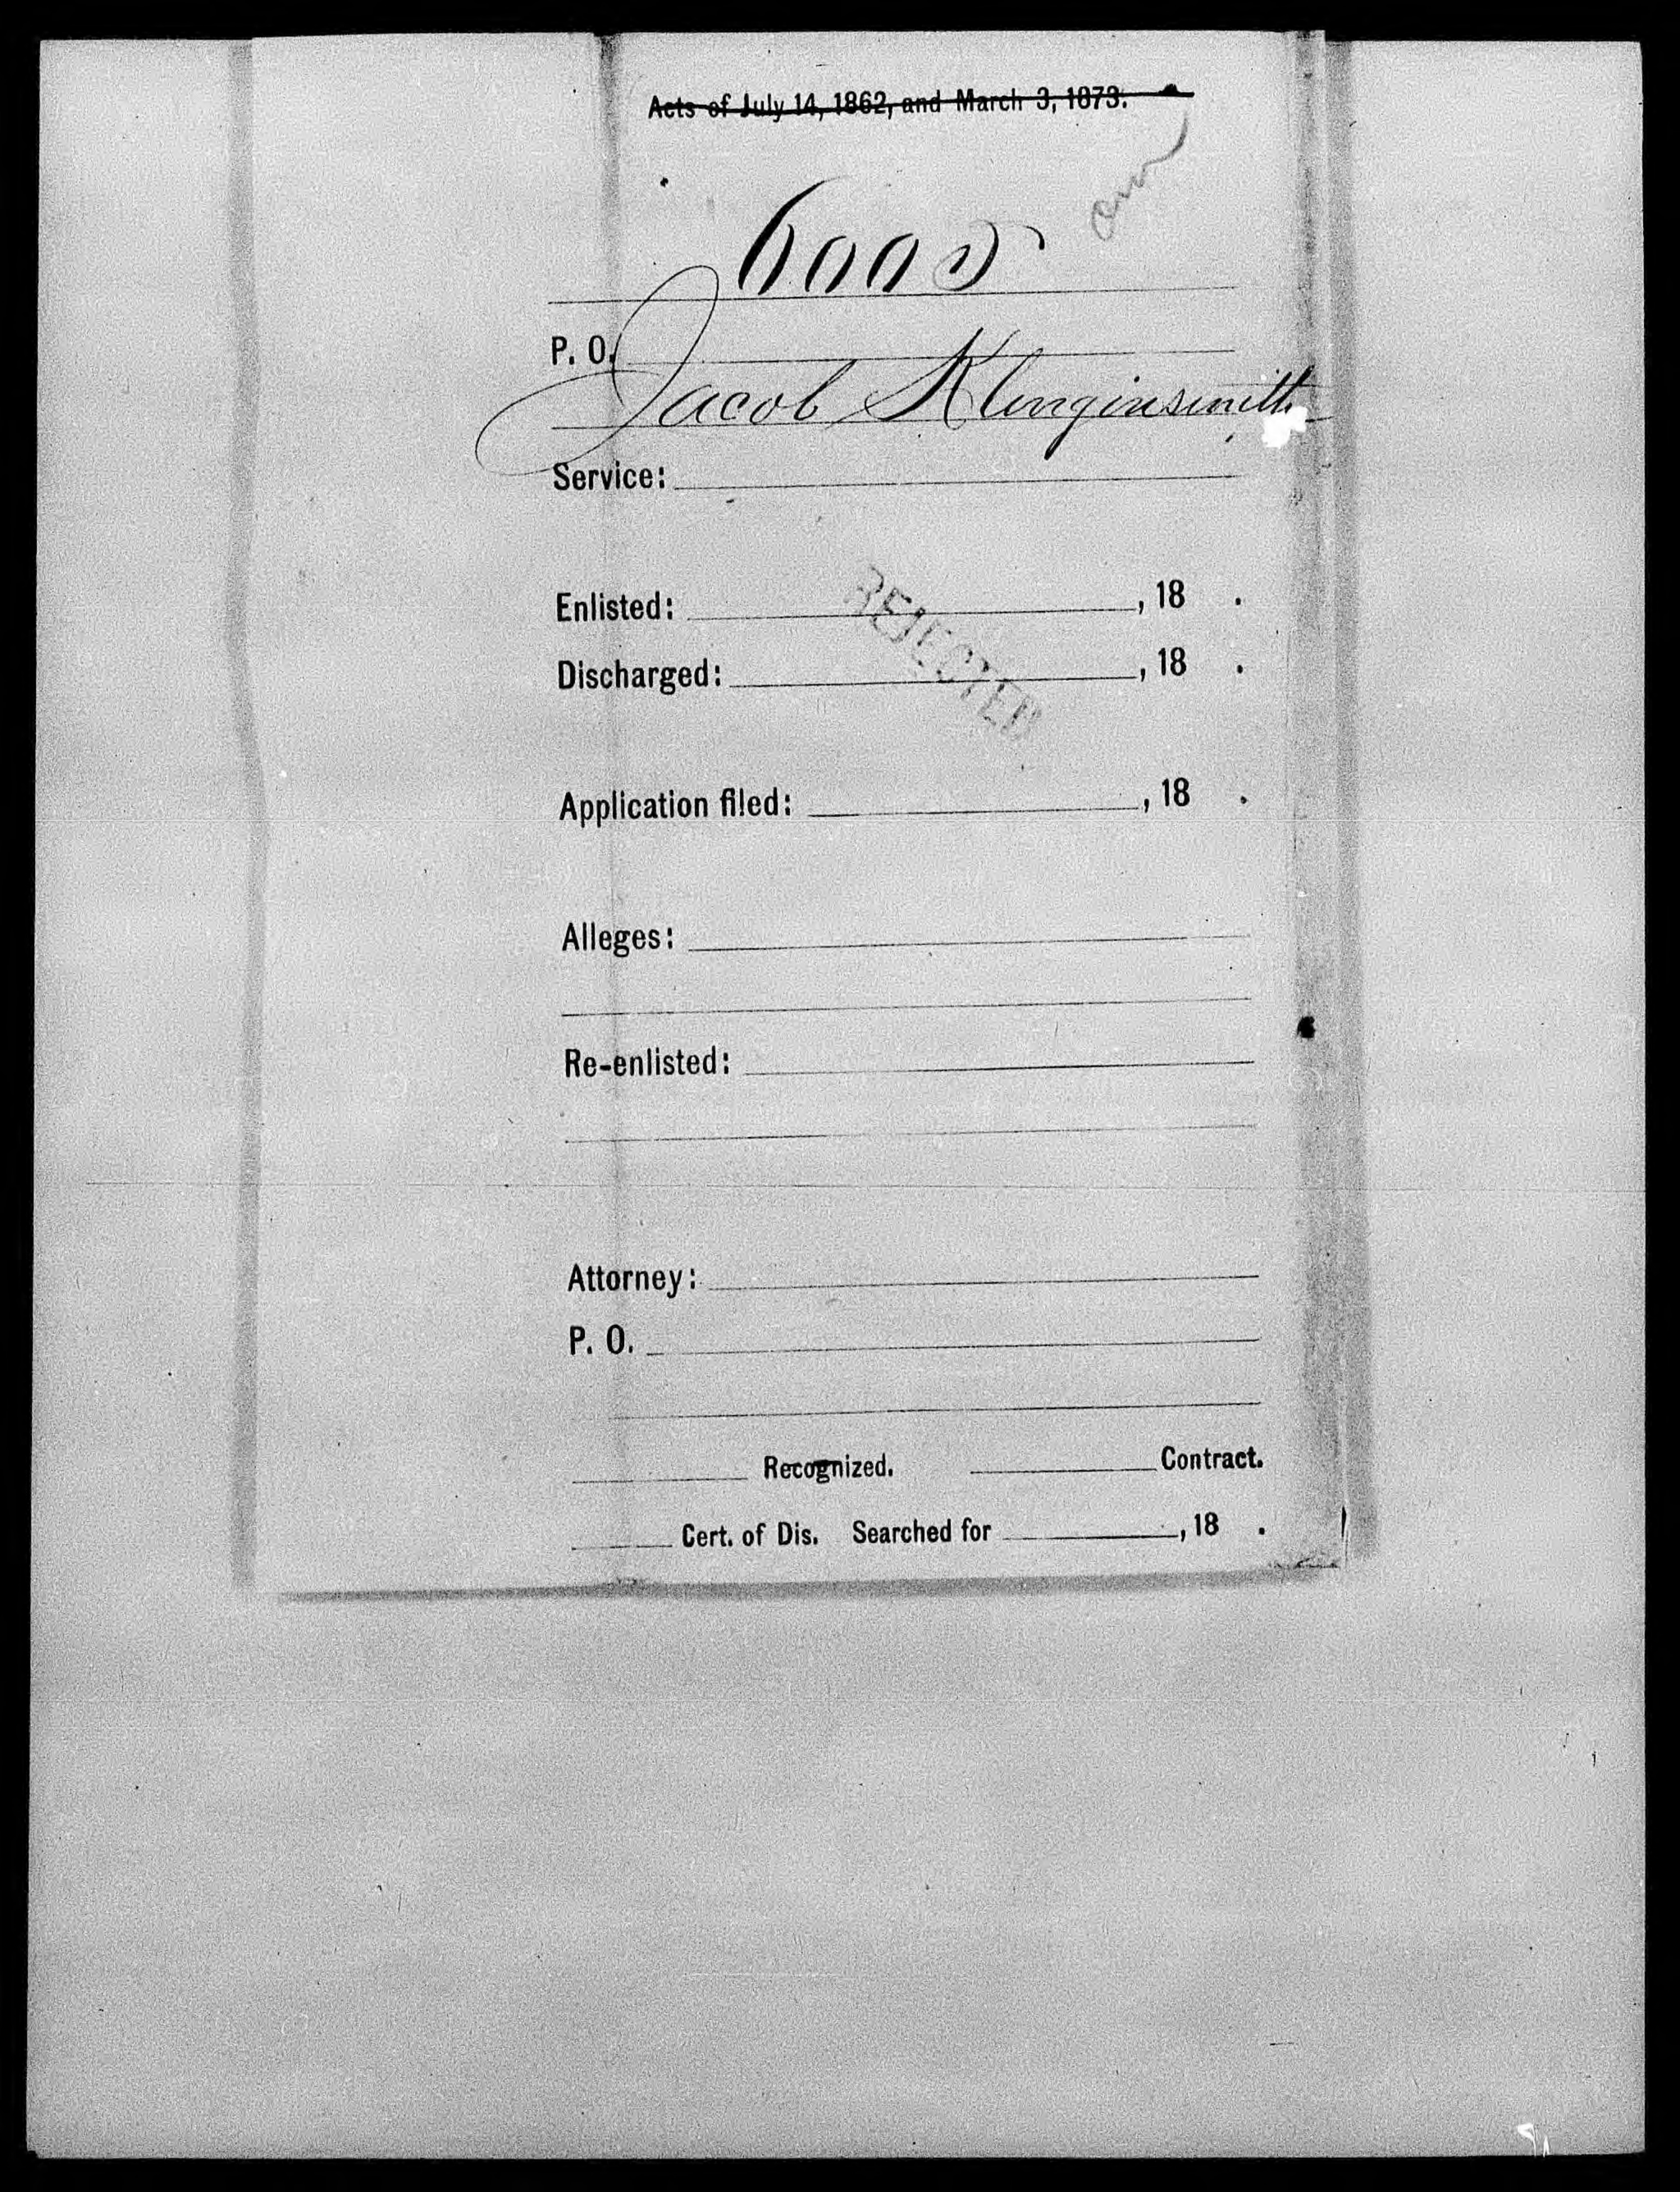600[possibly 5]
P.O.________________
Jacob Klinginsmith
Service: ____________

Enlisted: [Rejected is stamped.] _____, 18
Discharged: [Rejected is stamped.] ___,18

Application Filed: _________, 18

Alleges: ____________

Re-enlisted: _________

Attorney: ____________
P.O. _________________
_______Recognized.       ________Contract.
_______Cert. Of Dis.   Searched for _______18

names: Jacob Klinginsmith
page: 3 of 14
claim: rejected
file: R. 6005, for Jacob Klinginsmith, Pennsylvania